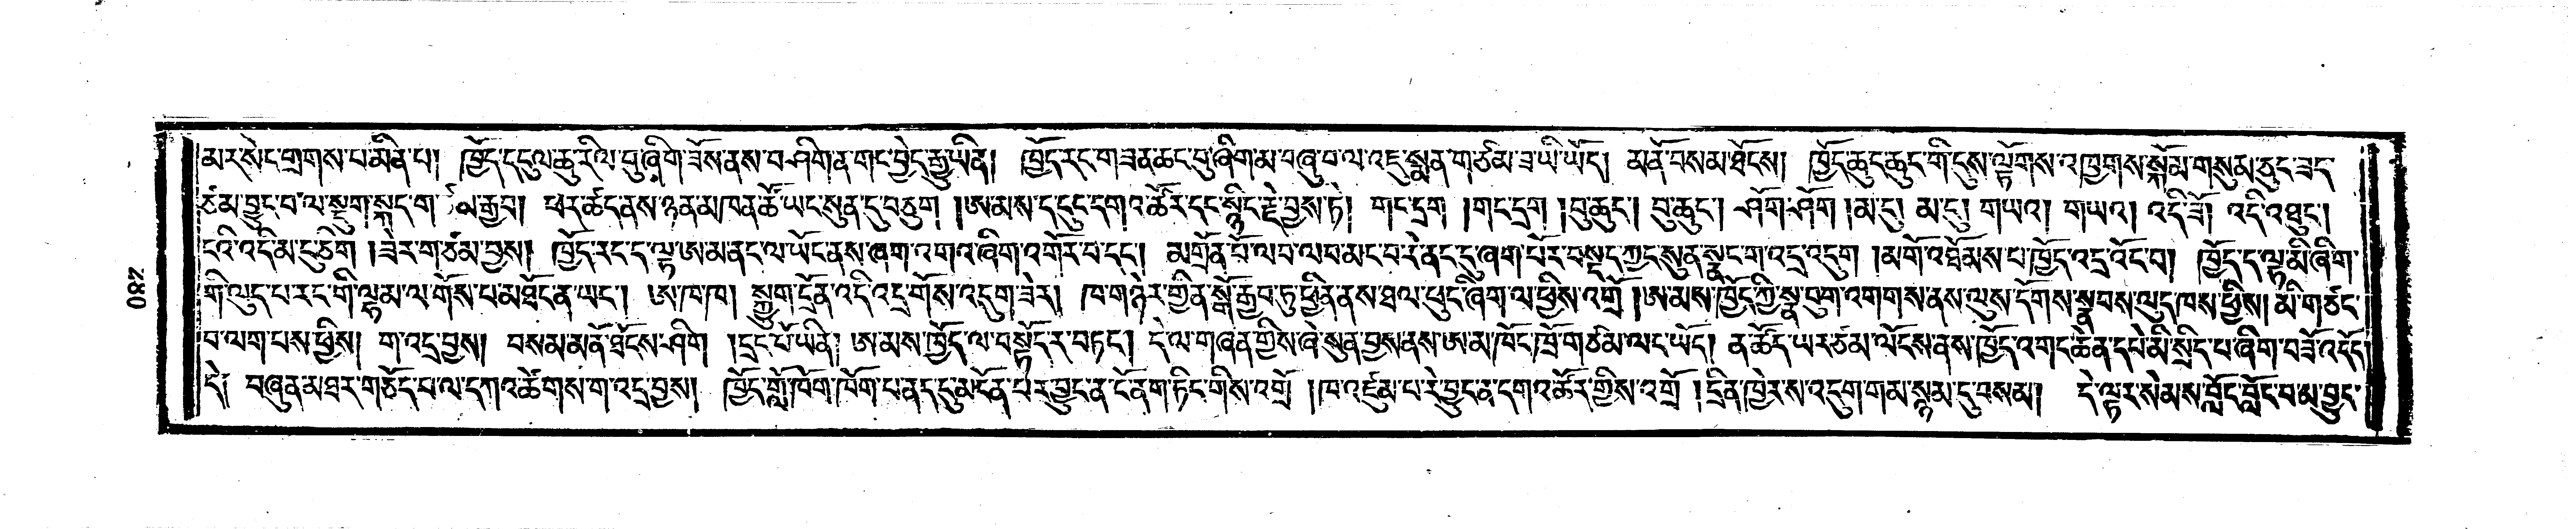མར་སེང་གྲགས་པ་མིན་པ། ཁྱོད་དངུལ་ཆུ་རིལ་བུ་ཞིག་ཟོས་ནས་བཤིག་ན་གང་བྱེད་རྒྱུ་ཡིན། ཁྱོད་རང་གཟན་ཆང་བུ་ཞིག་མ་བཞུ་བ་ལ་འཇུ་སྨན་ག་ཙམ་ཟ་ཡི་ཡོད། མནོ་བསམ་ཐོངས། ཁྱོད་ཆུང་ཆུང་གི་དུས་ལྟོགས་འཁྱགས་སྐོམ་གསུམ་ཅུང་ཟད་
ཙམ་བྱུང་བ་ལ་སྡུག་སྐད་གཙམ་རྒྱབ། ཕར་ཚད་ནས་ཉན་མཁན་ཚོ་ཡང་སུན་དུ་བཅུག །ཨ་མས་ད་དུང་དགའ་ཚོར་དང་སྙིང་རྗེ་བྱས་ཏེ། གང་དྲག །གང་དྲག །བུ་ཆུང་། བུ་ཆུང་། ཤོག་ཤོག །མ་དུ། མ་དུ། གཡའ། གཡའ། འདི་ཟོ། འདི་འཐུང་།
ངའི་འདི་མ་དུ་ཅིག །ཟེར་ག་ཙམ་བྱས། ཁྱོད་རང་ད་ལྟ་ཨ་མ་ནང་ལ་ཡོད་ནས་ཞག་འགའ་ཞིག་འགོར་བ་དང་། མགྲོན་པོ་ལབ་ལབ་མང་བ་རེ་ནང་དུ་ཞག་པོར་བསྡད་ཀྱང་སུན་སྣང་ག་འདྲ་འདུག །མགོ་འཐོམས་པ་ཁྱོད་འདྲ་འོང་བ། ཁྱོད་ད་ལྟ་མི་ཞིག་
གི་ལུད་པ་རང་གི་ལྷ་མ་ལ་གོས་པ་མཐོང་ན་ཡང་། ཨ་ཁ་ཁ། སྐྱུག་དྲོན་འདི་འདྲ་གོས་འདུག་ཟེར། ཁ་གཉེར་གྱིན་སྒོ་རྒྱབ་ཏུ་ཕྱིན་ནས་ཐལ་ཕུང་ཞིག་ལ་ཕྱིས་འགྲོ་།ཨ་མས་ཁྱོད་ཀྱི་སྣ་བུག་འགགས་ནས་ལུས་དོགས་སྣབས་ལུད་ཁས་ཕྱིས། མི་གཙང་
བ་ལག་པས་ཕྱིས། ག་འདྲ་བྱས། བསམ་མནོ་ཐོངས་ཤིག །དྲང་པོ་ཡིན། ཨ་མས་ཁྱོད་ལ་བསྟོད་ར་བཏང་། དེ་ལ་གཞན་གྱིས་ཞེ་སུན་བྱས་ནས་ཨ་མ་ཁོང་ཁྲོ་གཙམ་ལང་ཡོད། ན་ཚོད་ཡར་ཙམ་ལོངས་ནས་ཁྱོད་འགང་ཆེན་དཔེ་མི་སྲིད་པ་ཞིག་བཟོ་འདོད་
དེ༑ བཞུན་མཐར་གཅོད་པ་ལ་དཀའ་ཚེགས་ག་འདྲ་བྱས། ཁྱོད་གློ་ཁོག་ཁོག་པ་ནད་དུ་མངོན་པར་བྱུང་ན་ངོ་ནག་ཏིང་གིས་འགྲོ་།ཁ་འཛུམ་པ་རེ་བྱུང་ན་དགའ་ཚོར་གྱིས་འགྲོ་།དྲིན་ཁྱེར་ས་འདུག་གམ་སྙམ་དུ་བསམ། དེ་ལྟར་སེམས་བློང་བློང་བ་མ་བྱུང་